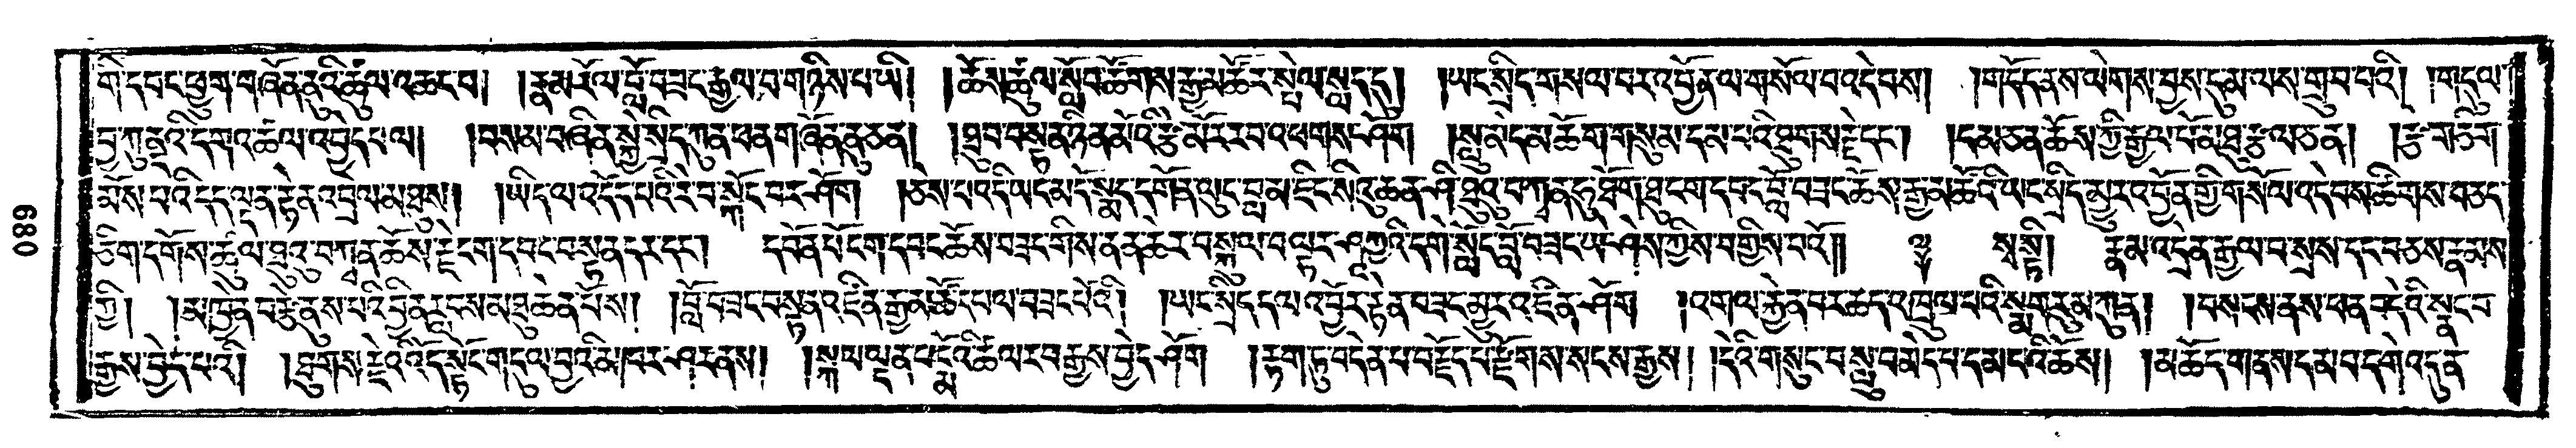གི་དབང་ཕྱུག་གཞོན་ནུའི་ཚུལ་འཆང་བ། །རྣམ་རོལ་བློ་བཟང་རྒྱལ་བ་གཉིས་པ་ཡི། །ཆོས་ཚུལ་སློབ་ཚོགས་རྒྱ་མཚོར་སྤེལ་སླང་དུ། །ཡང་སྲིད་གསལ་བར་འབྱོན་ལ་གསོལ་བ་འདེབས། །གདོད་ནས་ལེགས་བྱས་དུ་མ་ལས་གྲུབ་པའི། །གདུལ།
བྱ་ཀུནྡའི་དགའ་ཚལ་འབྱེད་པ་ལ། །བསམ་བཞིན་སྐྱེ་སྲིད་ཀུན་ཕན་གཞོན་ནུ་ཅན། །ཐུབ་བསྟན་ཉིན་མོའི་རྩེ་མོར་རབ་འཕགས་ཤོག །སླུ་མེད་མཆོག་གསུམ་དམ་པའི་ཐུགས་རྗེ་དང་། །དམ་ཅན་ཆོས་ཀྱི་རྒྱལ་པོ་མཐུ་རྩལ་ཅན། །རྩེ་གཅིག་
མོས་པའི་དད་ལྡན་རྟེན་འབྲེལ་མཐུས། །ཡིད་ལ་འདོད་པའི་རེ་བ་སྐོང་བར་ཤོག །ཅེས་པ་འདི་ཡང་མདོ་སྨད་དགོན་ལུང་བླ་མ་ཇིང་སིའུ་ཆན་ཤི་ཐུའུ་བ་ཀྭན་ཧུ་ཐོག་ཐུ་ངག་དབང་བློ་བཟང་ཆོས་རྒྱ་མཚོའི་ཡང་སྲིད་མྱུར་འབྱོན་གྱི་གསོལ་འདེབས་ཚིགས་བཅད་
ཅིག་དགོས་ཚུལ་ཐུའུ་བཀྭན་ཆོས་རྗེ་ངག་དབང་བསྟན་དར་དང་། དབོན་པོ་ངག་དབང་ཆོས་བཟང་གིས་ནན་ཆེར་བསྐུལ་བ་ལྟར་ཤཱཀྱའི་དགེ་སློང་བཟང་ཡེ་ཤེས་ཀྱི་བགྱིས་བའོ།། ༈ སྭསྟི། རྣམ་འདྲེན་རྒྱལ་བ་སྲས་དང་བཅས་རྣམས་
ཀྱི། །མཁྱེན་བརྩེ་ནུས་པའི་བྱིན་རླབས་མཐུ་ཆེན་པོས། །བློ་བཟང་བསྟན་འཛིན་རྒྱ་མཚོ་དཔལ་བཟང་པོའི། །ཡང་སྲིད་དལ་འབྱོར་རྟེན་བཟང་མྱུར་འཛིན་ཤོག །འགལ་རྐྱེན་བར་ཆད་འཁྲུལ་པའི་སྨག་རུམ་ཀུན། །བསངས་ནས་ཕན་བདེའི་སྣང་བ་
རྒྱས་བྱེད་པའི། །ཐུགས་རྗེའི་འོད་སྟོང་གདུལ་བྱའི་མཁར་ཤར་ནས། །སྐལ་ལྡན་པདམོའི་ཚིལ་རབ་རྒྱས་བྱེད་ཤོག །རྟག་ཏུ་བདེན་པ་བརྗོད་པ་རྫོགས་སངས་རྒྱས། །དེའི་གསུང་བསླུ་བ་མེད་པ་དམ་པའི་ཆོས། །མཆོད་གནས་དམ་བ་དགེ་འདུན་